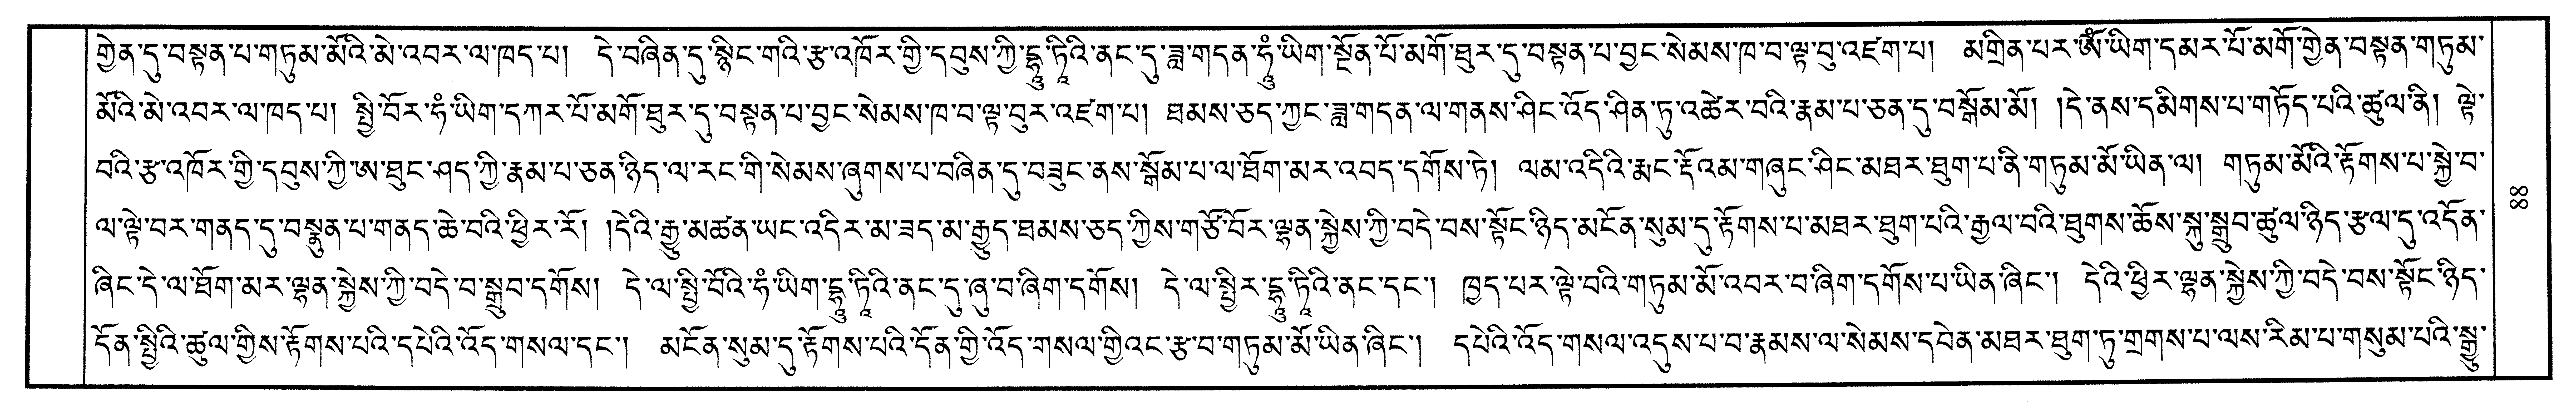གྱེན་དུ་བསྟན་པ་གཏུམ་མོའི་མེ་འབར་ལ་ཁད་པ། དེ་བཞིན་དུ་སྙིང་གའི་རྩ་འཁོར་གྱི་དབུས་ཀྱི་དྷཱུ་ཏཱིའི་ནང་དུ་ཟླ་གདན་ཧཱུཾ་ཡིག་སྔོན་པོ་མགོ་ཐུར་དུ་བསྟན་པ་བྱང་སེམས་ཁ་ལ་ལྟ་བུ་འཛག་པ། མགྲིན་པར་ཨོཾ་ཡིག་དམར་པོ་མགོ་གྱེན་བསྟན་གཏུམ་
མོའི་མེ་འབར་ལ་ཁད་པ། སྤྱི་བོར་ཧཾ་ཡིག་དཀར་པོ་མགོ་ཐུར་དུ་བསྟན་པ་བྱང་སེམས་ཁ་བ་ལྟ་བུར་འཛག་པ། ཐམས་ཅད་ཀྱང་ཟླ་གདན་ལ་གནས་ཤིང་འོད་ཤིན་ཏུ་འཚེར་བའི་རྣམ་པ་ཅན་དུ་བསྒོམ་མོ། །དེ་ནས་དམིགས་པ་གཏོད་པའི་ཚུལ་ནི། ལྟེ་
བའི་རྩ་བ་འཁོར་གྱི་དབུས་ཀྱི་ཨ་ཐུང་ཤད་ཀྱི་རྣམ་པ་ཅན་ཉིད་ལ་རང་གི་སེམས་ཞུགས་པ་བཞིན་དུ་བཟུང་ནས་སྒོམ་པ་ལ་ཐོག་མར་འབད་དགོས་ཏེ། ལམ་འདིའི་རྨང་རྡོའམ་གཞུང་ཤིང་མཐར་ཐུག་པ་ནི་གཏུམ་མོ་ཡིན་ལ། གཏུམ་མོའི་རྟོགས་པ་སྐྱེ་བ་
ལ་ལྟེ་བར་གནད་དུ་བསྣུན་པ་གནད་ཆེ་བའི་ཕྱིར་རོ། །དེའི་རྒྱུ་མཚན་ཡང་འདིར་མ་ཟད་མ་རྒྱུད་ཐམས་ཅད་ཀྱིས་གཙོ་བོར་ལྷན་སྐྱེས་ཀྱི་བདེ་བས་སྟོང་ཉིད་མངོན་སུམ་དུ་རྟོགས་པ་མཐར་ཐུག་པའི་རྒྱལ་བའི་ཐུགས་ཆོས་སྐུ་སྒྲུབ་ཚུལ་ཉིད་རྩལ་དུ་འདོན་
ཞིང་དེ་ལ་ཐོག་མར་ལྷན་སྐྱེས་ཀྱི་བདེ་བ་སྒྲུབ་དགོས། དེ་ལ་སྤྱི་བོའི་ཧཾ་ཡིག་དྷཱུ་ཏཱིའི་ནང་དུ་ཞུ་བ་ཞིག་དགོས། དེ་ལ་སྤྱིར་དྷཱུ་ཏཱིའི་ནང་དང་། ཁྱད་པར་ལྟེ་བའི་གཏུམ་མོ་འབར་བ་ཞིག་དགོས་པ་ཡིན་ཞིང་། དེའི་ཕྱིར་ལྷན་སྐྱེས་ཀྱི་བདེ་བས་སྟོང་ཉིད་
དོན་སྤྱིའི་ཚུལ་གྱིས་རྟོགས་པའི་དཔེའི་འོད་གསལ་དང་། མངོན་སུམ་དུ་རྟོགས་པའི་དོན་གྱི་འོད་གསལ་གྱིའང་རྩ་བ་གཏུམ་མོ་ཡིན་ཞིང་། དཔེའི་འོད་གསལ་འདུས་པ་བ་རྣམས་ལ་སེམས་དབེན་མཐར་ཐུག་ཏུ་གྲགས་པ་ལས་རིམ་པ་གསུམ་པའི་སྒྱུ་